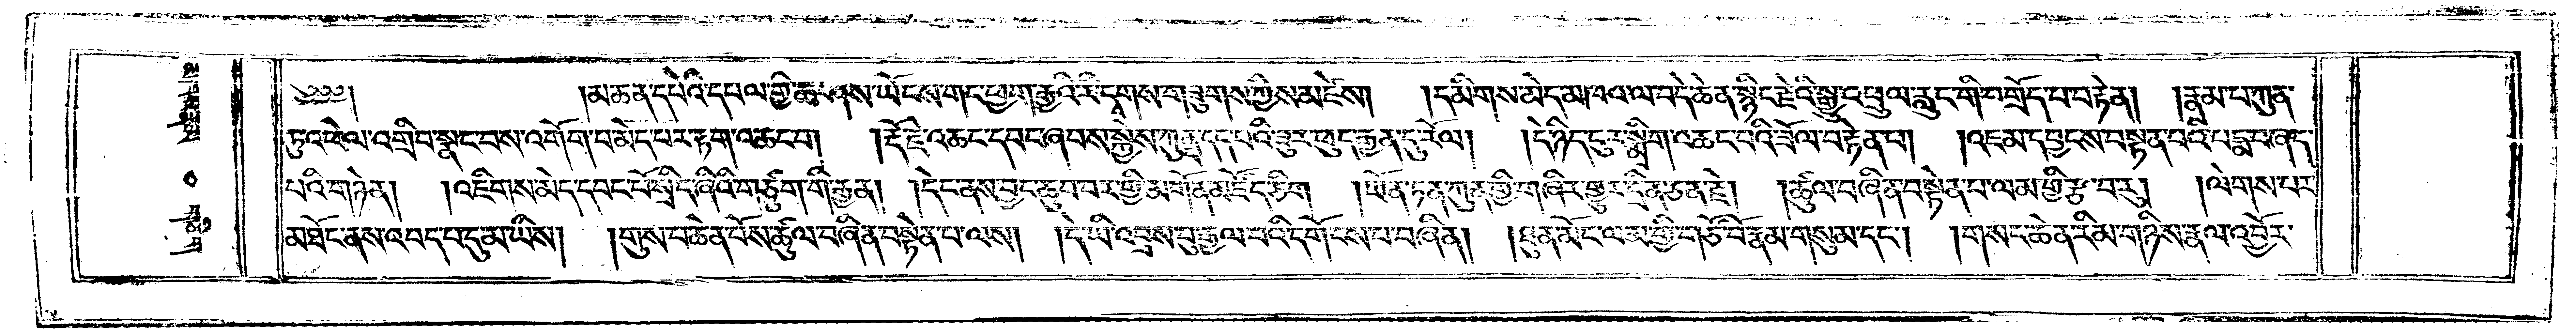༄༅༅། །མཚན་དཔེའི་དཔལ་གྱི་ཆ་ཤས་ཡོངས་གང་ཕྱག་རྒྱའི་རི་དྭགས་གཟུགས་ཀྱིས་མཛེས། །དམིགས་མེད་མཁའ་ལ་བདེ་ཆེན་སྙིང་རྗེའི་སྒྱུ་འཕྲུལ་རླུང་གི་བགྲོད་པ་བརྟེན། །རྣམ་པ་ཀུན་
ཏུ་འཕེལ་འགྲིབ་སྣང་བས་འགོག་པ་མེད་པར་རྟག་འཆང་བ། །རྡོ་རྗེ་འཆང་དབང་ཞབས་སྐྱེས་ཀུནྡ་དད་པའི་ཟུར་ཕུད་རྒྱན་དུ་རོལ། །དེ་ཉིད་དུར་སྨྲིག་འཆང་བའི་ཟོལ་བརྟེན་པ། །འཇམ་དབྱངས་བསྟན་པའི་པདམ་བཞད་
པའི་གཉེན། །འཇིགས་མེད་དབང་པོ་སྲིད་ཞིའི་གཙུག་གི་རྒྱན། །དེང་ནས་བྱང་ཆུབ་བར་གྱི་མགོན་མཛོད་ཅིག །ཡོན་ཏན་ཀུན་གྱི་གཞིར་གྱུར་དྲིན་ཅན་རྗེ། །ཚུལ་བཞིན་བསྟེན་པ་ལམ་གྱི་རྩ་བ་རུ། །ལེགས་པར་
མཐོང་ནས་འབད་པ་དུ་མ་ཡིས། །གུས་པ་ཆེན་པོས་ཚུལ་བཞིན་བསྟེན་པ་ལས། །དེ་ཡི་འབྲས་བུ་རྒྱལ་བའི་དགོངས་པ་བཞིན། །ཐུན་མོང་ལམ་གྱི་གཙོ་བོ་རྣམ་གསུམ་དང་། །གསང་ཆེན་རིམ་གཉིས་རྣལ་འབྱོར་